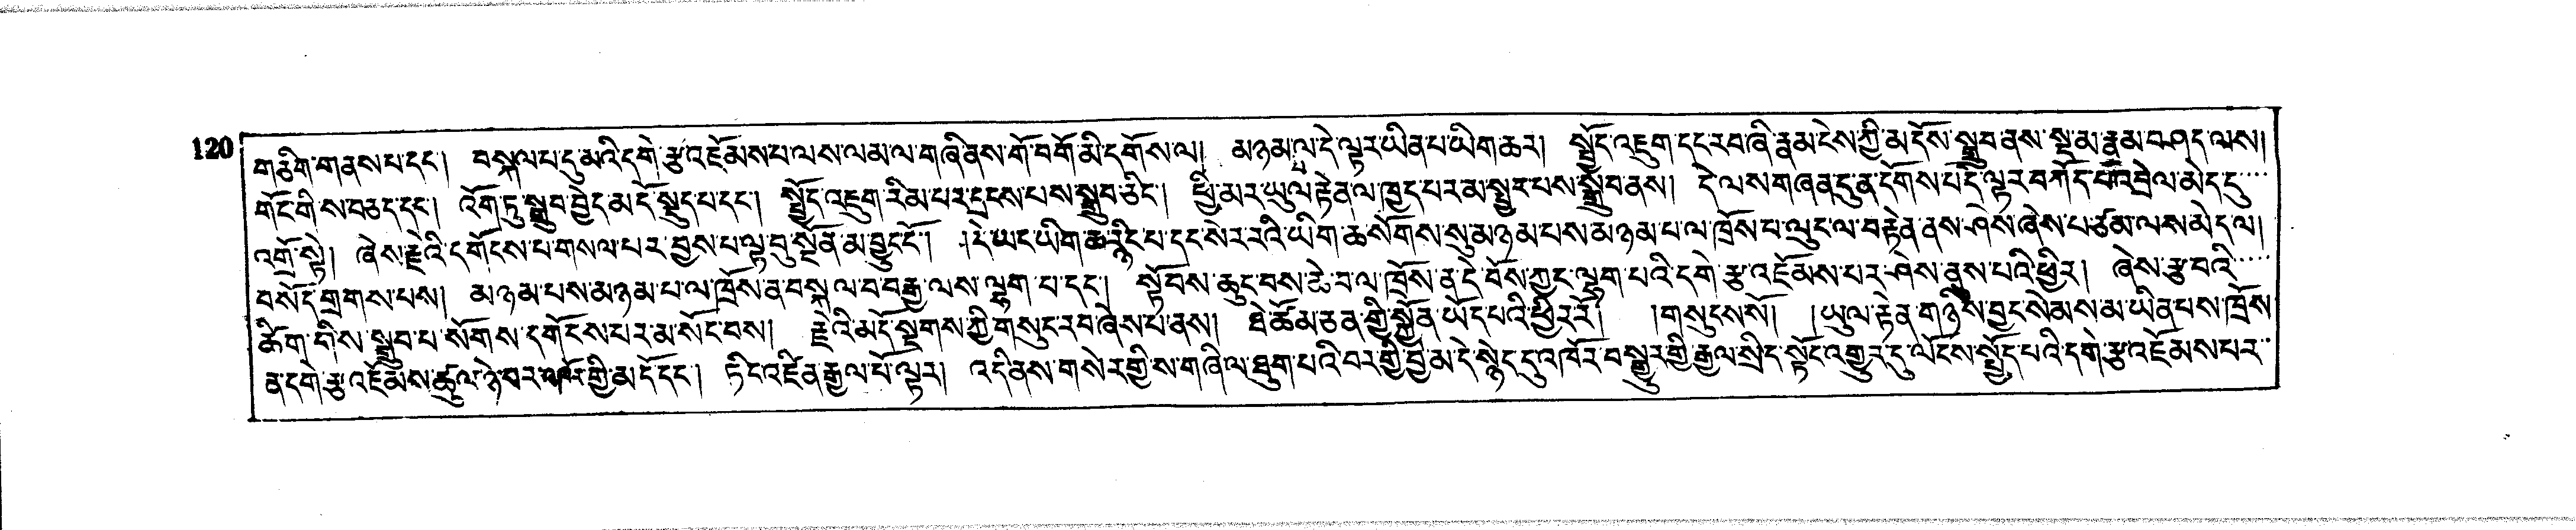གཅིག་གནས་པ་དང་། བསྐལ་པ་དུ་མའི་དགེ་རྩ་འཇོམས་པ་ལས་ལམ་ལ་གཞི་ནས་གོ་བགོ་མི་དགོས་ལ། མཉམ་པ་ལ་དེ་ལྟར་ཡིན་པ་ཡིག་ཆར། སྤྱོད་འཇུག་དང་རབ་ཞི་རྣམ་ངེས་ཀྱི་མདོས་སྒྲུབ་ནས་སྔ་མ་རྣམ་བཤད་ལས།
གོང་གི་ས་བཅད་དང་། འོག་ཏུ་སྒྲུབ་བྱེད་མདོ་སྡུད་པ་དང་། སྤྱོད་འཇུག་རིམ་པར་དྲངས་པས་སྒྲུབ་ཅིང་། ཕྱི་མར་ཡུལ་རྟེན་ལ་ཁྱད་པར་མ་སྤྱར་པས་སྒྲུབ་ནས། དེ་ལས་གཞན་དུ་ན་དོགས་པ་དེ་ལྟར་བཀོད་པ་འབྲེལ་མེད་དུ་
འགྲོ་སྟེ། ཞེས་རྗེའི་དགོངས་པ་གསལ་པར་བྱས་པ་ལྟ་བུ་སྔོན་མ་བྱུང་ངོ། །དེ་ཡང་ཡིག་ཆ་རྙིང་པ་དང་སེར་རའི་ཡིག་ཆ་སོགས་སུ་མཉམ་པས་མཉམ་པ་ལ་ཁྲོས་པ་ལུང་ལ་བརྟེན་ནས་ཤེས་ཞེས་པ་ཙམ་ལས་མེད་ལ།
བསོད་གྲགས་པས། མཉམ་པས་མཉམ་པ་ལ་ཁྲོས་ན་བསྐལ་བ་བརྒྱ་ལས་ལྷག་པ་དང་། སྟོབས་ཆུང་བས་ཆེ་བ་ལ་ཁྲོས་ན་དེ་བོས་ཀྱང་ལྷག་པའི་དགེ་རྩ་འཇོམས་པར་ཤེས་ནས་པའི་ཕྱིར། ཞེས་རྩ་བའི་
ཚིག་གིས་སྒྲུབ་པ་སོགས་དགོངས་པར་མ་སོང་བས། རྗེའི་མདོ་སྔགས་ཀྱི་གསུང་རབ་ཞེས་པ་ནས། ཐེ་ཚོམ་ཅན་གྱི་སྐྱོན་ཡོད་པའི་ཕྱིར་རོ། །གསུངས་སོ། །ཡུལ་རྟེན་གཉིས་བྱང་སེམས་མ་ཡིན་པས་ཁྲོས་
ན་དགེ་རྩ་འཇོམས་ཚུལ་ཉེ་བར་འཁོར་གྱི་མདོ་དང་། ཏིང་འཛིན་རྒྱལ་པོ་ལྟར། འདི་ནས་གསེར་གྱི་ས་གཞི་ལ་ཐུག་པའི་བར་གྱི་བྱ་མ་དེ་སྙེད་དུ་འཁོར་བསྒྱུར་གྱི་རྒྱལ་སྲིད་སྟོང་འགྱུར་དུ་ལོངས་སྤྱོད་པའི་དགེ་རྩ་འཇོམས་པར་